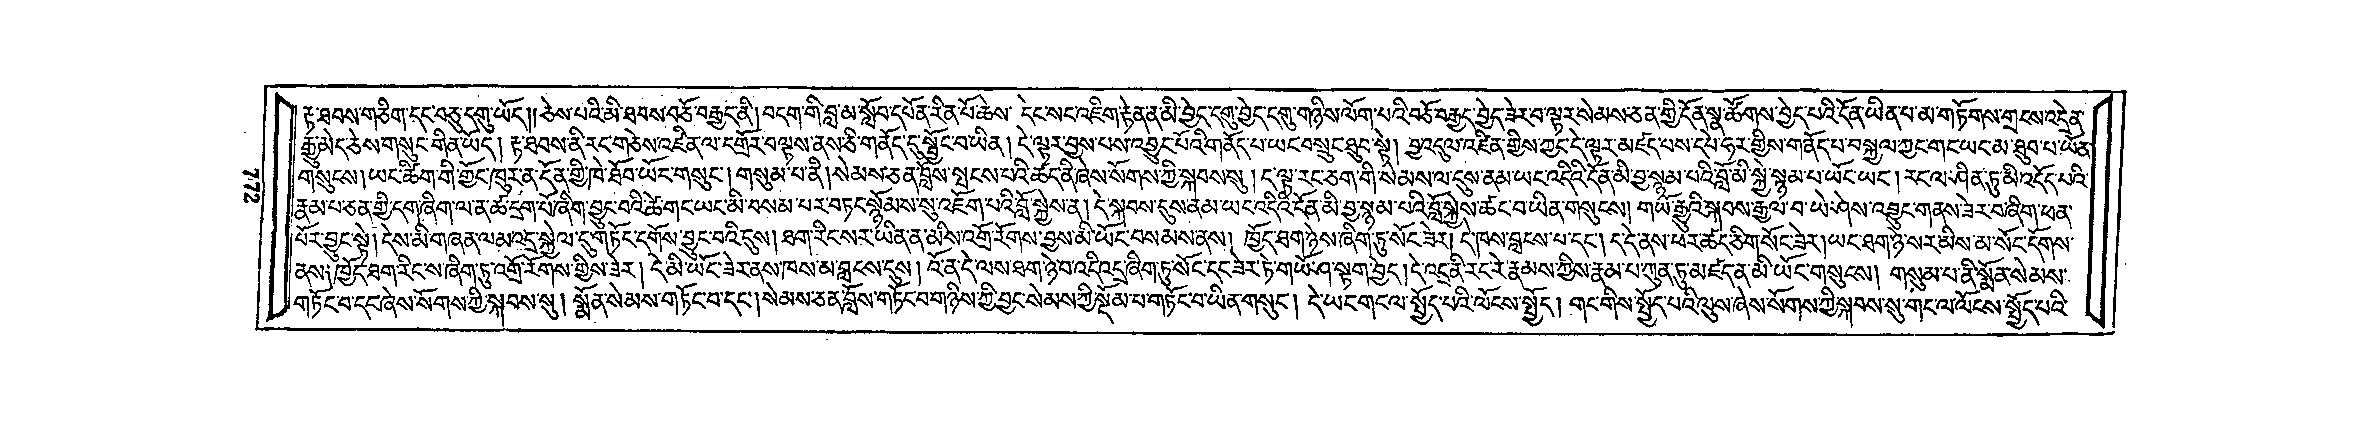རྟ་ཐབས་གཅིག་དང་བཅུ་དགུ་ཡོད། །ཅེས་པའི་མི་ཐབས་བཅོ་བརྒྱད་ནི། བདག་གི་བླ་མ་སློབ་དཔོན་རིན་པོ་ཆེས་དེང་སང་འཇིག་རྟེན་ན་མི་བྱེད་དགུ་བྱེད་དགུ་གཉིས་ལོག་པའི་བཅོ་བརྒྱད་བྱེད་ཟེར་བ་ལྟར་སེམས་ཅན་གྱི་དོན་སྣ་ཚོགས་བྱེད་པའི་དོན་ཡིན་པ་མ་གཏོགས་གྲངས་འདྲེན་
རྒྱུ་མེད་ཅེས་གསུང་གིན་ཡོད། རྟ་ཐབས་ནི་རང་གཅེས་འཛིན་ལ་དགྲོར་བལྟས་ནས་ཅི་གནོད་དུ་སྦྱོང་བ་ཡིན། དེ་ལྟར་བྱས་པས་འབྱུང་པོའི་གནོད་པ་ཡང་བསྲུང་ཐུབ་སྟེ། བྱ་འདུལ་འཛིན་གྱིས་ཀྱང་དེ་ལྟར་མཛད་པས་དཔེ་ཧར་གྱིས་གནོད་པ་བསྐྱལ་ཀྱང་གང་ཡང་མ་ཐུབ་པ་ཡོན་
གསུངས། ཡང་ཚིག་གི་གྱོང་ཁུར་ན་དོན་གྱི་ཁེ་ཐོབ་ཡོང་གསུང་། གསུམ་པ་ནི། སེམས་ཅན་བློས་སྤངས་པའི་ཚད་ནི་ཞེས་སོགས་ཀྱི་སྐབས་སུ། ད་ལྟ་རང་ཅག་གི་སེམས་ལ་དུས་ནམ་ཡང་འདིའི་དོན་མི་བྱ་སྙམ་པའི་བློ་མི་སྐྱེ་སྙམ་པ་ཡོང་ཡང་། རང་ལ་ཤིན་ཏུ་མི་འདོད་པའི་
རྣམ་པ་ཅན་གྱི་དག་ཞིག་ལ་ན་ཚ་དྲག་པོ་ཞིག་བྱུང་བའི་ཚེ་གང་ཡང་མི་བསམ་པར་བཏང་སྙོམས་སུ་འཇོག་པའི་བློ་སྐྱེས་ན། དེ་སྐབས་དུས་ནམ་ཡང་འདིའི་དོན་མི་བྱ་སྙམ་པའི་བློ་སྐྱེས་ཚང་བ་ཡིན་གསུངས། གཡོ་རྒྱུའི་སྐབས་རྒྱལ་བ་ཡེ་ཤེས་འབྱུང་གནས་ཟེར་བ་ཞིག་ཕན་
པོར་བྱུང་སྟེ། དེས་མི་གཞན་ལམ་འདྲ་སྐྱེལ་དུ་གཏོང་དགོས་བྱུང་བའི་དུས། ཐག་རིང་སར་ཡིན་ན་མིས་འགྲོ་རོགས་བྱས་མི་ཡོང་བསམས་ནས། ཁྱོད་ཐག་ཉེས་ཞིག་ཏུ་སོང་ཟེར། དེ་ཁས་བླངས་པ་དང་། ད་དེ་ནས་ཕར་ཚད་ཅིག་སོང་ཟེར། ཡང་ཐག་ཉེ་སར་མིས་མ་སོང་དོགས་
ནས། ཁྱོད་ཐག་རིང་ས་ཞིག་ཏུ་འགྲོ་རོགས་གྱིས་ཟེར། དེ་མི་ཡོང་ཟེར་ནས་ཁས་མ་བླངས་དུས། འོ་ན་དེ་ལས་ཐག་ཉེ་བ་འདི་འདྲ་ཞིག་ཏུ་སོང་དང་ཟེར་ཏེ་གཡོ་ཤ་སྟག་བྱེད། དེ་འདྲ་ནི་རང་རེ་རྣམས་ཀྱིས་རྣམ་པ་ཀུན་ཏུ་མཛད་ན་མི་ཡོང་གསུངས། གསུམ་པ་ནི་སྨོན་སེམས་
གཏོང་བ་དང་ཞེས་སོགས་ཀྱི་སྐབས་སུ། སྨོན་སེམས་གཏོང་བ་དང་། སེམས་ཅན་བློས་གཏོང་བ་གཉིས་ཀྱི་བྱང་སེམས་ཀྱི་སྡོམ་པ་གཏོང་བ་ཡིན་གསུང་། དེ་ཡང་གང་ལ་སྤྱོད་པའི་ལོངས་སྤྱོད། གང་གིས་སྤྱོད་པའི་ལུས་ཞེས་སོགས་ཀྱི་སྐབས་སུ་གང་ལ་ལོངས་སྤྱོད་པའི་